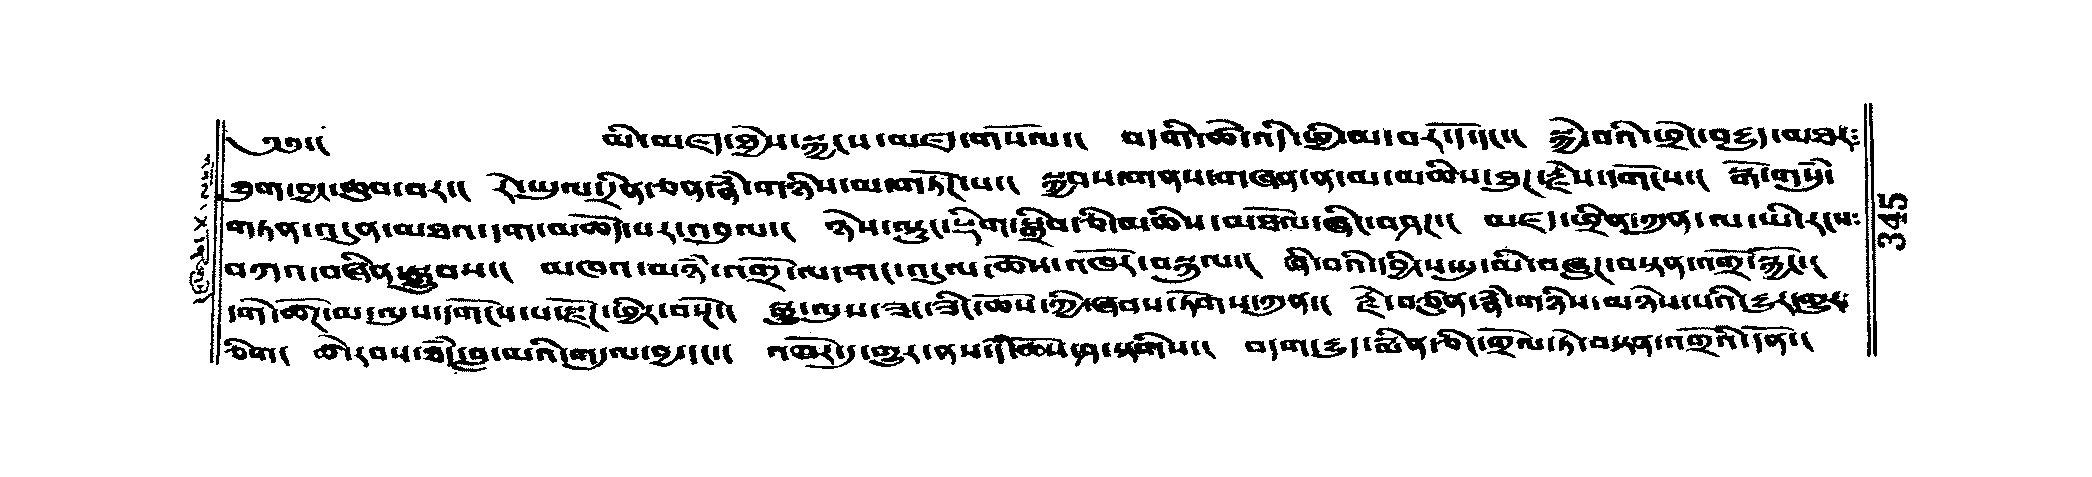མི་མཛད་ཐུགས་རྗེས་སྐྱངས་མཛད་གསོལ། །བདག་གི་ཚེ་འདི་ཕྱི་མ་བར་དོ་དང་། །སྐྱེ་བའི་ཕྲེང་བརྒྱུད་མཐར་
ཐུག་བྱང་ཆུབ་བར། །རེ་ཡུལ་དྲིན་ཅན་རྣམ་གཉིས་མ་གཏོགས་པ། །སྐྱབས་གནས་གཞན་ན་མ་མཆིས་ཐུགས་རྗེས་དགོངས། །སྒོ་གསུམ་
གཏན་འདུན་མཐའ་དག་མཆོད་པར་འབུལ། །ཉེས་ལྟུང་སྡིག་སྒྲིབ་ཅི་མཆིས་མཐོལ་ཞིང་བཤགས། །མཛད་ཕྲིན་ཀུན་ལ་ཡི་རངས་
བཀའ་བཞིན་བསྒྲུབ། །མཁའ་མཉམ་འགྲོ་ལ་གང་འདུལ་ཆོས་འཁོར་བསྐུལ། །ཞི་བའི་དབྱིངས་སུ་མི་བཞུགས་བསྟན་འགྲོ་སྐྱོངས། །
དགེ་ཚོགས་མ་ལུས་དགོངས་པ་རྫོགས་ཕྱིར་བསྔོ། །སྒྱུ་ལུས་ཟང་ཟིང་ཆོས་ཀྱི་ཞབས་ཏོགས་ཀུན། །རྗེ་བཙུན་རྣམ་གཉིས་མཉེས་པའི་རྒྱུར་གྱུར་
ཅིག །ཚེ་རབས་ཐམས་ཅད་བླ་མའི་གདུལ་བྱ་དང་། །འཁོར་དུ་གྱུར་ནས་དམ་ཆོས་ཤ་སྟག་གིས། །བདག་རྒྱུད་སྨིན་ཅིང་གྲོལ་ཏེ་བསྟན་འགྲོའི་དོན།